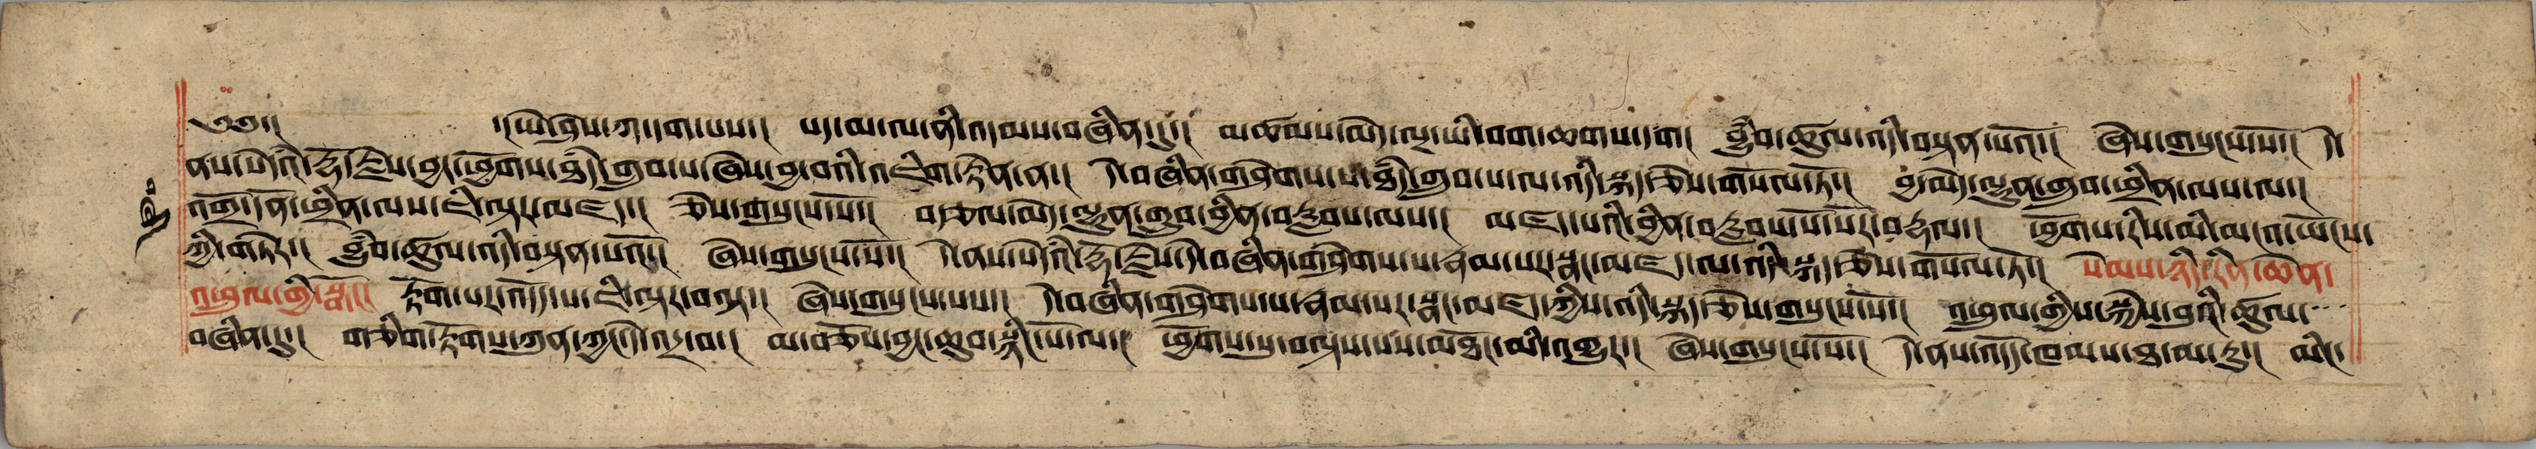༄༅་། ་།ཡེ་ཤེས་ཀ་དག་པས་། པད་མ་ལ་ནི་འདམས་བཞིན་དུ་། མཚམས་མེད་ལྔ་ཡི་བག་ཆགས་དག། བྱུཾབ་ཚུལ་འདི་བསྟན་པའོ་། ཞེས་གསུངས་སོ་།
ནས་སེདཾའ་རྡོ་རྗེ་བྱང་ཕྱོགས་ཐཾད་གྲུབ་པ་ཞེས་བྱ་བའི་འཇིག་རྟེན་ན་། དེ་བཞིན་གཤེགས་པ་ཐཾད་གྲུབ་པ་ལ་འདི་སྐད་ཅེས་གསོལ་ཏོ་། བྱ་མེད་ལྷུན་གྲུབ་ཕྲིན་ལས་ལ་།
འགྲོ་དོན་ཕྲིན་ལས་ཇི་ལྟར་མཛད་། ཅེས་གསུངས་སོ་། བརྩལ་མེད་ལྷུན་གྲུབ་བྱིན་བརླབས་ལས་། མཛད་པའི་བྱིན་བརླབས་སོ་སོར་བརྡལ་། ཕྱོགས་རིས་མི་མངའ་ཡོངས་
ཀྱི་གཏེར་། བྱུཾབ་ཚུལ་འདི་བསྟན་པའོ་། ཞེས་གསུངས་སོ་། དེ་ནས་སེདཾའ་རྡོ་རྗེས་དེ་བཞིན་གཤེགས་པ་རྣམ་པར་སྣང་མཛད་ལ་འདི་སྐད་ཅེས་གསོལ་ཏོ་། སེམས་ཉིད་རིན་ཆེན་
འཕྲུལ་གྱི་སྒོ་། རྟོག་པར་འདོད་པ་ཇི་ལྟར་བལྟ་། ཞེས་གསུངས་པས་། དེ་བཞིན་གཤེགས་པ་རྣམ་པར་སྣང་མཛད་ཀྱིས་འདི་སྐད་ཅེས་གསུངས་སོ་། འཕྲུལ་གྱིས་སྐྱེས་བུའི་ཚུལ་
བཞིན་དུ་། གཅིག་རྟོགས་ཀུན་ཀྱང་དེ་འདྲ་བ་། མ་བཅོས་བྱང་ཆུབ་སྙིང་པོ་ལ་། ཕྱོགས་སུ་བལྟས་པས་མཐོང་མི་འགྱུར་། ཞེས་གསུངས་སོ་། དེ་ནས་འདོད་ཁམས་ཐ་མ་རུ་། མིང་